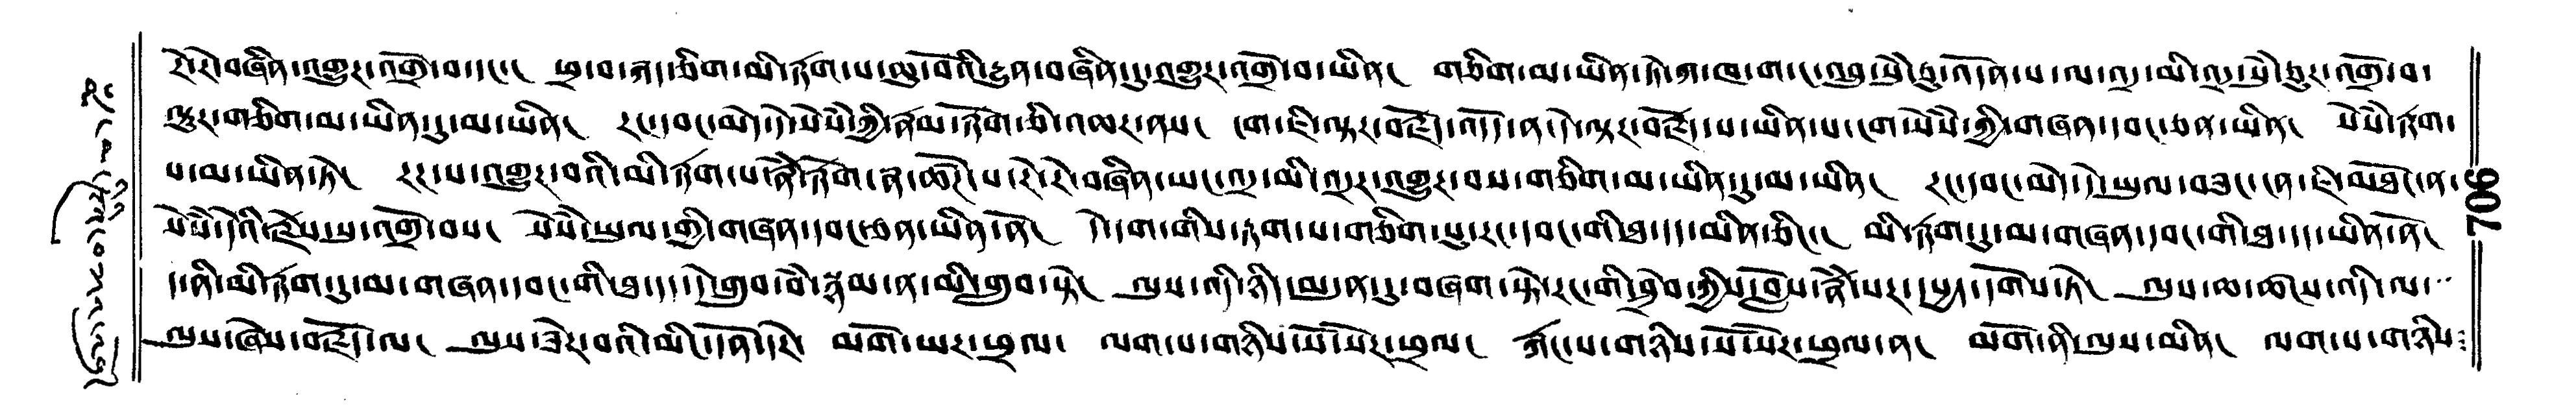རེ་རེ་བཞིན་འགྱུར་འགྲོ་བ་དང་། ཕྲ་བ་སྐད་ཅིག་གི་མི་རྟག་པ་ཆུ་བོའི་རྒྱུན་བཞིན་དུ་འགྱུར་འགྲོ་བ་ཡིན། གཅིག་མ་ཡིན་ཏེ་ཀ་ཁ་ག་ང་འབྲུ་སུམ་ཅུ་འདོན་པ་ལ་འདྲ་མི་འདྲ་སུམ་ཅུར་འགྲོ་བ་
ལྟ་བུར་གཅིག་མ་ཡིན་དུ་མ་ཡིན། རང་དབང་མེད་དེ་སེམས་ཀྱི་རྣམ་རྟོག་ཅི་འཆར་ནས། ངག་ཇི་ལྟར་བརྗོད་འདོད་ན་དེ་ལྟར་བརྗོད་པ་ཡིན་པས་ངག་སེམས་ཀྱི་གཞན་དབང་ཅན་ཡིན། སེམས་རྟག་
པ་མ་ཡིན་ཏེ། རགས་པ་འགྱུར་བའི་མི་རྟག་པ་རྣམ་རྟོག་སྣ་ཚོགས་པ་རེ་རེ་བཞིན་ཡང་འདྲ་མི་འདྲར་འགྱུར་བས་གཅིག་མ་ཡིན་དུ་མ་ཡིན། རང་དབང་མེད་དེ་ཡུལ་བཟང་ངན་ཇི་མཐོང་ན་
སེམས་དེའི་རྗེས་སུ་འགྲོ་བས། སེམས་ཡུལ་གྱི་གཞན་དབང་ཅན་ཡིན་ནོ། དེ་དག་གིས་རྟག་པ་གཅིག་པུ་རང་དབང་གི་ཐ་དད་མིན་ཅིང་། མི་རྟག་དུ་མ་གཞན་དབང་གི་ཐ་དད་ཡིན་ནོ། 
ད་ནི་མི་རྟག་དུ་མ་གཞན་དབང་གི་ཐ་དད་དེ་གྲུབ་བམ་སྙམ་ན་མི་གྲུབ་སྟེ། ལུས་འདི་ཉིད་མདུན་དུ་བཞག་སྟེ་རང་གི་ཤེས་རབ་ཀྱིས་བློས་རྣམ་པར་དཔྱད་དགོས་ཏེ། ལུས་ཆ་ཚང་འདི་ལ་
ལུས་ཞེས་བརྗོད་ལ། ལུས་ཟེར་བའི་མིང་དོན་དེར། མགོ་ཡར་ཕྲལ། ལག་པ་གཉིས་སོ་སོར་ཕྲལ། རྐང་པ་གཉིས་སོ་སོར་ཕྲལ་ན། མགོ་ནི་ལུས་མིན། ལག་པ་གཉིས་